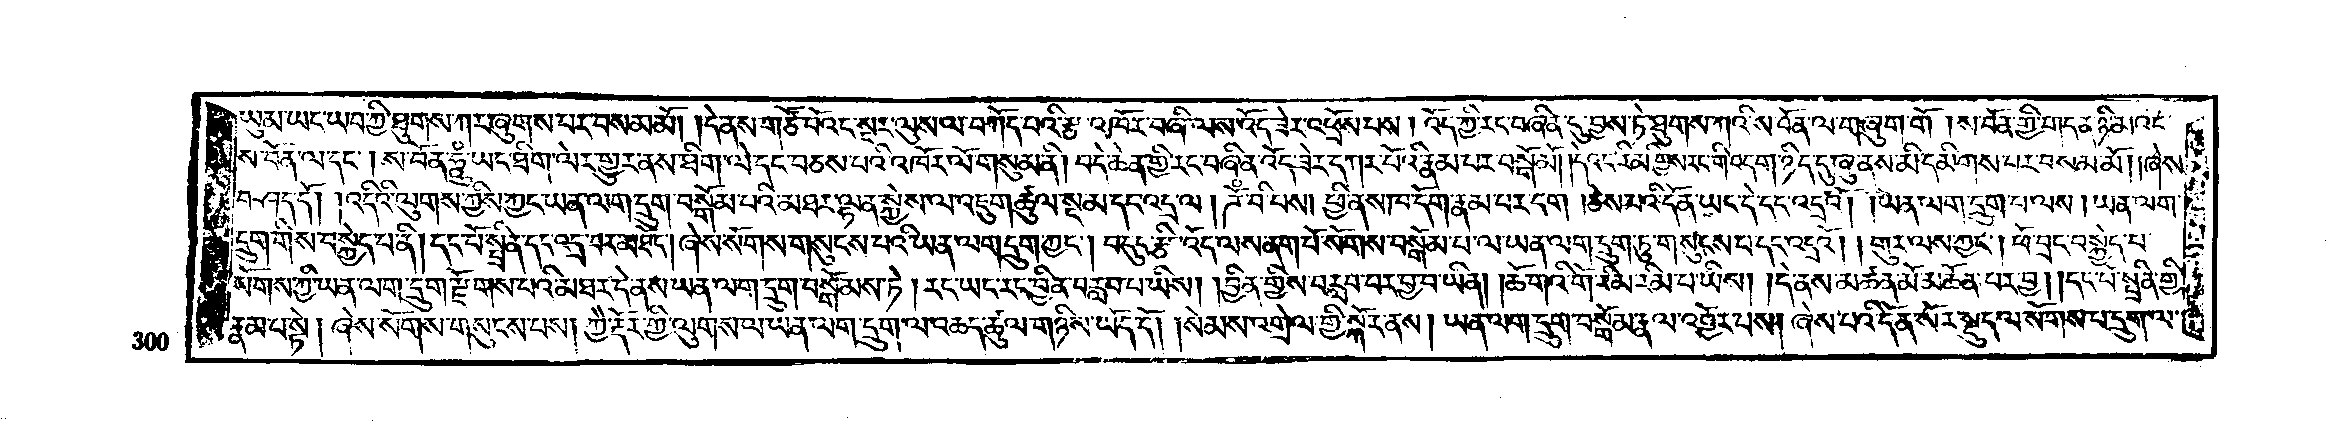ཡུམ་ཡང་ཡབ་ཀྱི་ཐུགས་ཀར་ཞུགས་པར་བསམ་མོ། །དེ་ནས་གཙོ་བོའང་སྔར་ལུས་ལ་བཀོད་པའི་རྩ་འཁོར་བཞི་ལས་འོད་ཟེར་འཕྲོས་པས། འོད་ཀྱི་རང་བཞིན་དུ་བྱས་ཏེ་ཐུགས་ཀའི་ས་བོན་ལ་གཞུག་གོ། ས་བོན་གྱི་གདན་ཉི་མའང་
ས་བོན་ལ་དང་། ས་བོན་ཧཱུཾ་ཡང་ཐིག་ལེར་གྱུར་ནས་ཐིག་ལེ་དང་བཅས་པའི་འཁོར་ལོ་གསུམ་ནི། བདེ་ཆེན་གྱི་རང་བཞིན་འོད་ཟེར་དཀར་པོའི་རྣམ་པར་བསྒོམ་མོ། །དེའང་རིམ་གྱིས་རང་གི་བདག་ཉིད་དུ་ཞུ་ནས་མི་དམིགས་པར་བསམ་མོ། །ཞེས་
བཤད་དོ། །འདིའི་ལུགས་ཀྱིས་ཀྱང་ཡན་ལག་དྲུག་བསྒོམ་པའི་མཐར་ལྷན་སྐྱེས་ལ་འཇུག་ཚུལ་སྔ་མ་དང་འདྲ་ལ། ཌོཾ་བི་པས། ཕྱི་ནས་ཁ་དོག་རྣམ་པར་དག། ཅེས་པའི་དོན་ཡང་དེ་དང་འདྲའོ། །ཡན་ལག་དྲུག་པ་ལས། ཡན་ལག་
དྲུག་གིས་བསྐྱེད་པ་ནི། དང་པོ་སྤྲིན་དང་འདྲ་བར་མཐོང་། ཞེས་སོགས་གསུངས་པའི་ཡན་ལག་དྲུག་ཀྱང་། བདུད་རྩི་འོད་ལས་ནག་པོ་སོགས་བསྒོམ་པ་ལ་ཡན་ལག་དྲུག་ཏུ་གསུངས་པ་དང་འདྲའོ། །གུར་ལས་ཀྱང་། ཕོ་བྲང་བསྐྱེད་པ་
སོགས་ཀྱི་ཡན་ལག་དྲུག་རྫོགས་པའི་མཐར་དེ་ནས་ཡན་ལག་དྲུག་བསྒོམས་ཏེ། རང་ཡང་རང་བྱིན་བརླབ་པ་ཡིས། །བྱིན་གྱིས་བརླབ་པར་བྱ་བ་ཡིན། །ཆོ་གའི་གོ་རིམ་རིམ་པ་ཡིས། །དེ་ནས་མཚན་མོ་མཚོན་པར་བྱ། །དང་པོ་སྤྲིན་གྱི་
རྣམ་པ་སྟེ། ཞེས་སོགས་གསུངས་པས། ཀྱཻ་རྡོར་གྱི་ལུགས་ལ་ཡན་ལག་དྲུག་ལ་འཆད་ཚུལ་གཉིས་ཡོད་དོ། །སེམས་འགྲེལ་གྱི་སྐོར་ནས། ཡན་ལག་དྲུག་བསྒོམ་རྣལ་འབྱོར་པས། ཞེས་པའི་དོན་སོར་སྡུད་ལ་སོགས་པ་དྲུག་ལ་